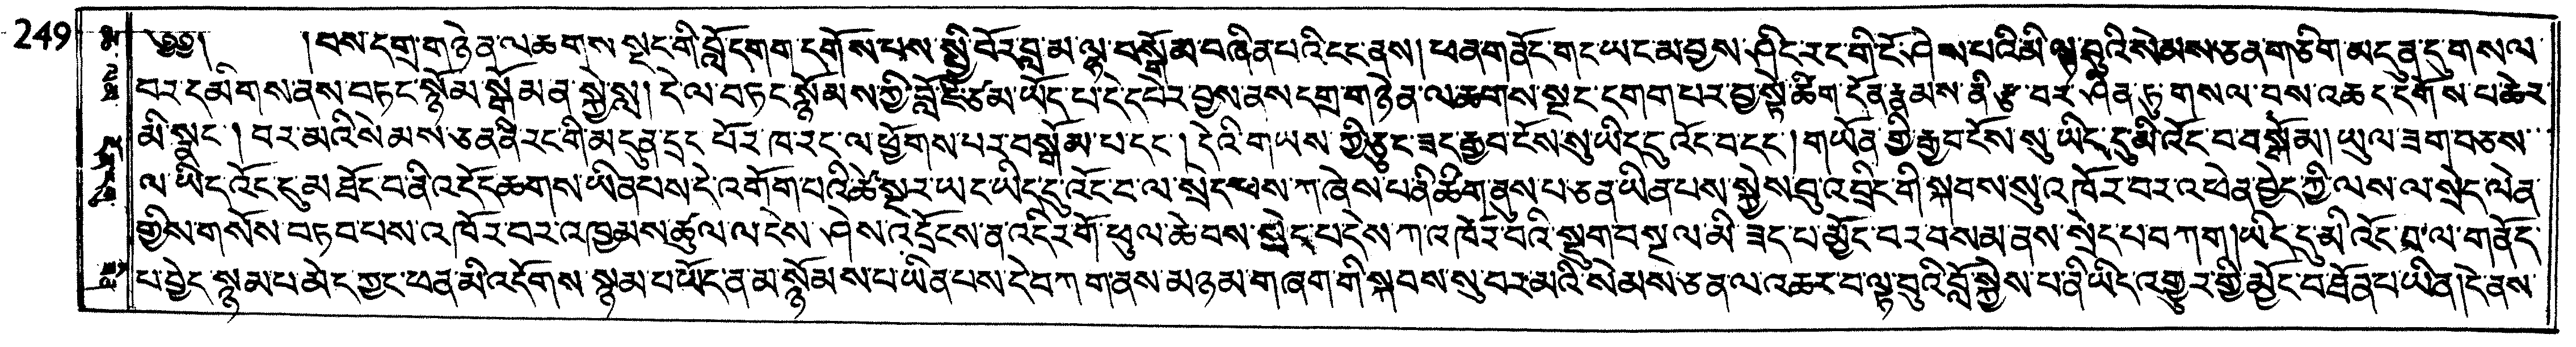༄༅། །བས་དགྲ་གཉེན་ལ་ཆགས་སྡང་གི་བློ་དགག་དགོས་པས་སྤྱི་བོར་བླ་མ་ལྷ་བསྒོམ་བཞིན་པའི་ངང་ནས། ཕན་གནོད་གང་ཡང་མ་བྱས་ཤིང་རང་གི་ངོ་ཤེས་པའི་མི་ལྟ་བུའི་སེམས་ཅན་གཅིག་མདུན་དུ་གསལ་
བར་དམིགས་ནས་བཏང་སྙོམ་སྒོམ་ན་སྐྱེ་སླ། དེ་ལ་བཏང་སྙོམས་ཀྱི་བློ་ཇི་ཙམ་ཡོད་པ་དེ་དཔེར་བྱས་ནས་དགྲ་གཉེན་ལ་ཆགས་སྡང་དགག་པར་བྱ་སྟེ་ཚིག་དོན་རྣམས་ནི་རྩ་བར་ཤིན་ཏུ་གསལ་བས་འཆད་དགོས་པ་ཆེར་
མི་སྣང་། བར་མའི་སེམས་ཅན་ནི་རང་གི་མདུན་དྲང་པོར་ཁ་རང་ལ་ཕྱོགས་པར་བསྒོམ་པ་དང་། དེའི་གཡས་ཀྱི་ཅུང་ཟད་རྒྱབ་ངོས་སུ་ཡིད་དུ་འོང་བ་དང་། གཡོན་གྱི་རྒྱབ་ངོས་སུ་ཡིད་དུ་མི་འོང་བ་བསྒོམ། ཡུལ་ཟག་བཅས་
ལ་ཡིད་འོང་དུ་མཐོང་བ་ནི་འདོད་ཆགས་ཡིན་པས་དེ་འགོག་པའི་ཚེ་སྔར་ཡང་ཡིད་དུ་འོང་བ་ལ་སྲེད་པས་ཀ་ཞེས་པ་ནི་ཚིག་ནུས་པ་ཅན་ཡིན་པས་སྐྱེས་བུ་འབྲིང་གི་སྐབས་སུ་འཁོར་བར་འཕེན་བྱེད་ཀྱི་ལས་ལ་སྲེད་ལེན་
གྱིས་གསོས་བཏབ་པས་འཁོར་བར་འཁྱམས་ཚུལ་ལ་ངེས་ཤེས་འདྲོངས་ན་འདིར་གོ་ཕུལ་ཆེ་བས་སླེད་པ་དེས་ཀ་འཁོར་བའི་སྡུག་བསྔལ་མི་ཟད་པ་མྱོང་བར་བསམ་ནས་སྲེད་པ་བཀག། ཡིད་དུ་མི་འོང་བ་ལ་གནོད་
པ་བྱེད་སྙམ་པ་མེད་ཀྱང་ཕན་མི་འདོགས་སྙམ་པ་ཡོད་ན་མ་སྙོམས་པ་ཡིན་པས་དེ་བཀག་ནས་མཉམ་གཞག་གི་སྐབས་སུ་བར་མའི་སེམས་ཅན་ལ་འཆར་བ་ལྟ་བུའི་བློ་སྐྱེས་པ་ནི་ཡིད་འགྱུར་གྱི་མྱོང་བ་ཐོན་པ་ཡིན། དེ་ནས་